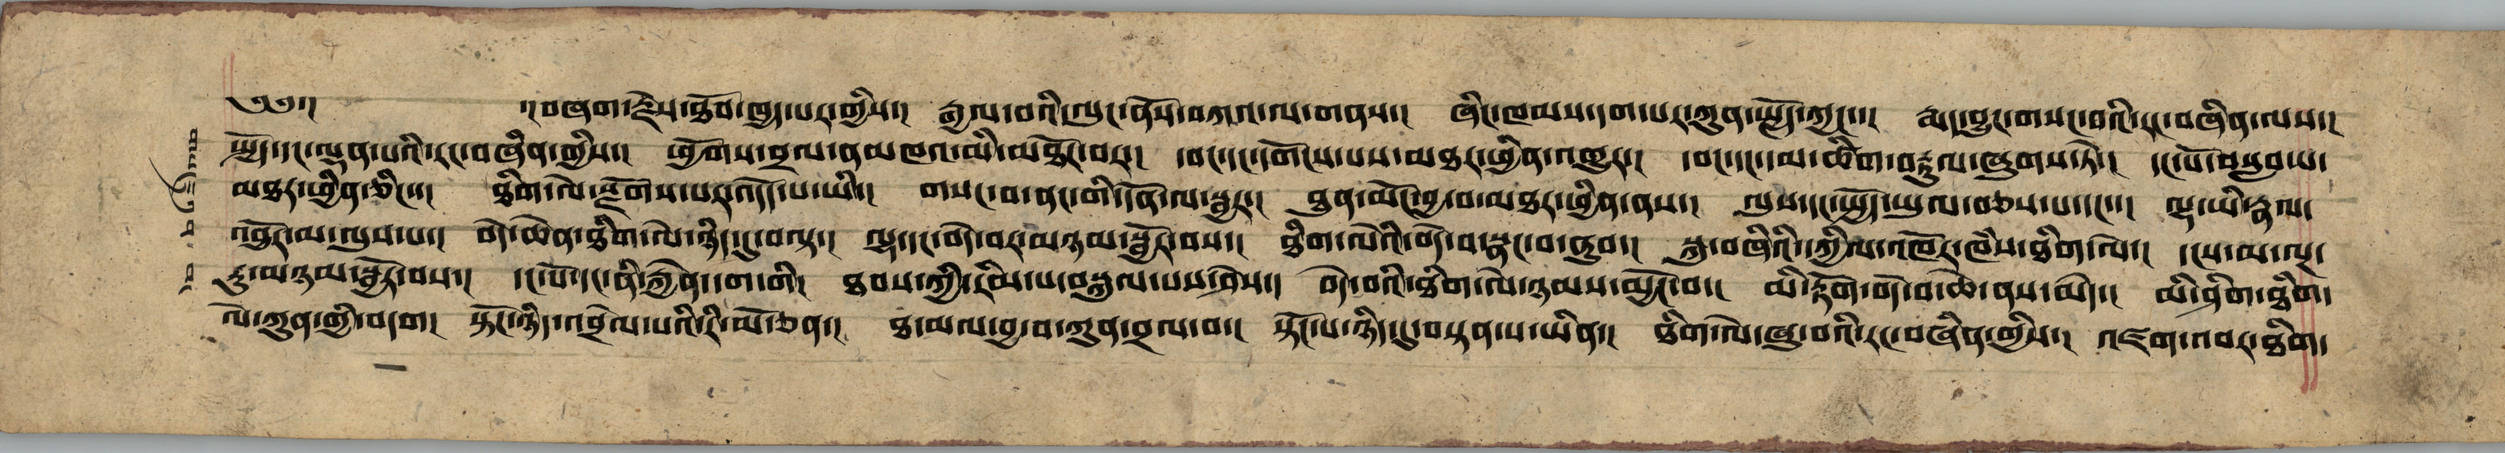༄༅་། ་།བཞག་རྗེས་ཐོབ་ཁྱད་པར་གྱིས་། རྒྱལ་བའི་ལུང་ནོས་བཀའ་ལ་གནས་། ཞིང་ཁམས་དག་པར་ཀུན་སྤྱོད་ཀྱང་་། རྨད་བྱུང་གསང་བའི་རང་བཞིན་ལས་།
སྤྱོད་དང་ལྡན་པའི་རང་བཞིན་གྱིས་། ཕྱོགས་བྲལ་ནམཁའ་མི་འཐོར་བར་། དབང་དང་དགོངས་པས་མཐར་ཕྱིན་འགྱུར་། དབང་དང་དམ་ཚིག་བརྟུལ་ཞུགས་ཏེ་། དང་པོ་བསླབ་པ་
མཐར་ཕྱིན་ཅིང་་། ཐིག་ལེ་སྫོགས་པར་འདོད་པ་ཡི་། གསང་བ་ནང་གི་དོན་ལ་སྦྱར་། ཐུན་མོང་བྱ་བ་མཐར་ཕྱིན་ནས་། ལུས་དང་སྤྱོད་ཡུལ་བཅས་པ་དང་་། ལྷ་ཡི་རྣལ་
འབྱོར་མ་ལུས་པ་། བདེ་ཆེན་ཐིག་ལེ་ཉིད་དུ་བལྟ་། ལྷ་དང་བདེ་བར་མཉམ་སྦྱོར་བས་། ཐིག་ལེའི་བདེ་བ་སྣང་བ་ནུབ་། སྐུ་བཞིའི་དཀྱིལ་འཁོར་ཁཾས་ཐིག་ལེ་། དངས་མ་ལྔ་
རུ་མཉམ་སྦྱོར་བས་། དང་པོ་དང་ནི་རྐྱེན་དག་གི་། ཐབས་ཀྱི་རིམ་པ་བསྐུལ་པས་ཤེས་། བདེ་བའི་ཐིག་ལེ་ཉམས་མྱོང་བ་། མི་རྟོག་བདེ་བ་ཆེ་ནས་མེད་། མི་ཤིག་ཐིག་
ལེ་ཀུན་གྱི་བདག། སྟོང་ཉིད་འབྲེལ་པའི་རི་མོ་ཅན་། ཐ་མལ་བྱ་བ་ཀུན་བྲལ་བ་། སྟོང་པ་ཉིད་དུ་བསྟན་པ་ཡིན་། ཐིག་ལེ་ཞུ་བའི་རང་བཞིན་གྱིས་། འཛག་འབར་ཐིག་